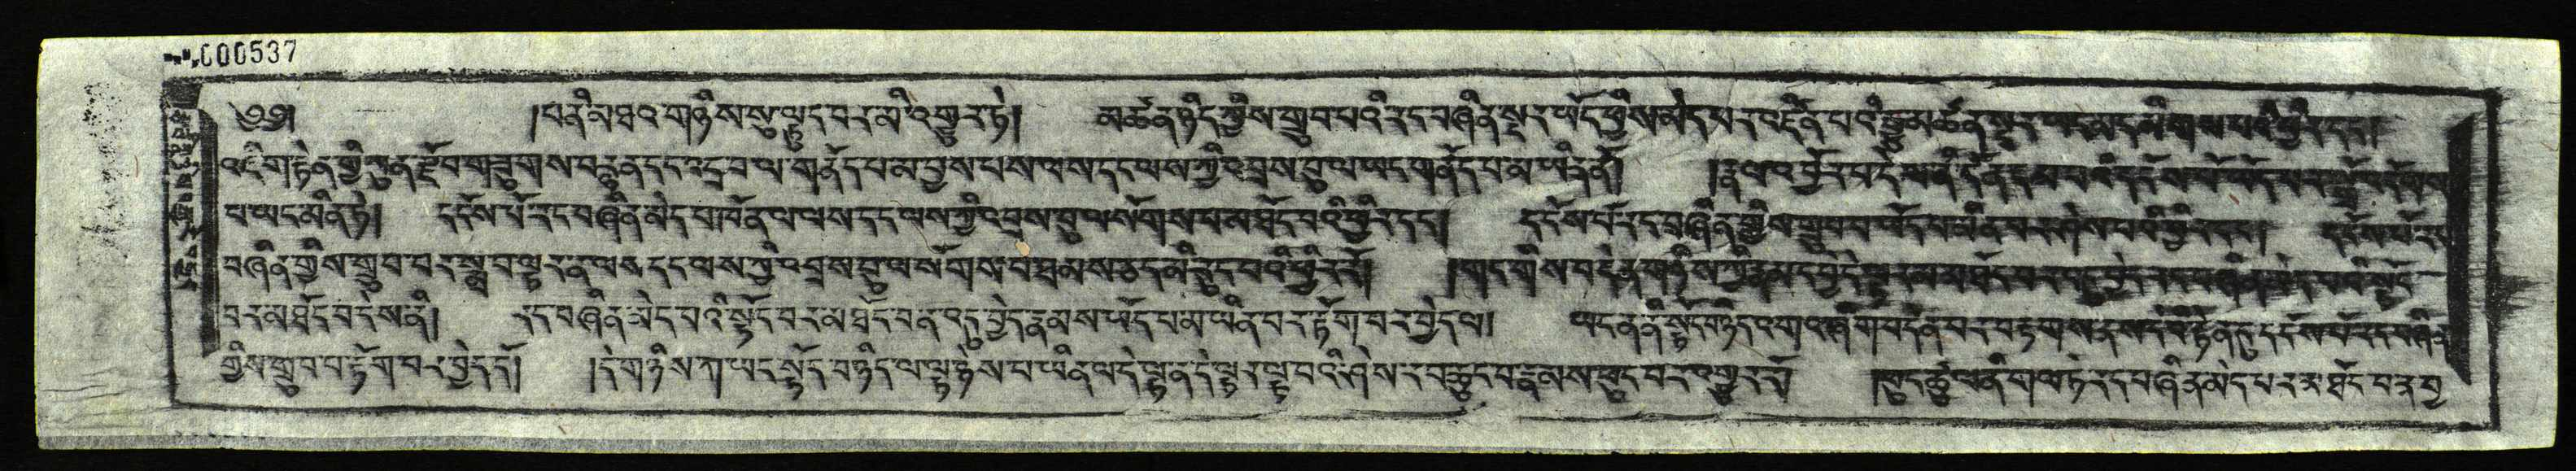༄༅། །པ་ནི་མཐའ་གཉིས་སུ་ལྟུང་བར་མི་འགྱུར་ཏེ། མཚན་ཉིད་ཀྱིས་གྲུབ་པའི་རང་བཞིན་སྔར་ཡོད་ཕྱིས་མེད་པར་འཛིན་པའི་རྒྱུ་མཚན་སྔར་ཡང་མ་དམིགས་པའི་ཕྱིར་དང་།
འཇིག་རྟེན་གྱི་ཀུན་རྫོབ་གཟུགས་བརྙན་དང་འདྲ་བ་ལ་གནོད་པ་མ་བྱས་པས་ལས་དང་ལས་ཀྱི་འབྲས་བུ་ལ་ཡང་གནོད་པ་མ་ཡིན་ནོ། །རྣལ་འབྱོར་པ་དེ་ལ་ནི་དོན་དམ་པའི་དངོས་པོ་ཡོད་པར་སྒྲོ་འདོགས་
པ་ཡང་མིན་ཏེ། དངོས་པོ་རང་བཞིན་མེད་པ་ཁོ་ན་ལ་ལས་དང་ལས་ཀྱི་འབྲས་བུ་ལ་སོགས་པ་མཐོང་བའི་ཕྱིར་དང་། དངོས་པོ་རང་བཞིན་གྱིས་གྲུབ་པ་ཡོད་པ་མིན་པར་ཤེས་པའི་ཕྱིར་དང་། དངོས་པོ་རང་
བཞིན་གྱིས་གྲུབ་པར་སྨྲ་བ་ལྟར་ན་ལས་དང་ལས་ཀྱི་འབྲས་བུ་ལ་སོགས་པ་ཐམས་ཅད་མི་རུང་བའི་ཕྱིར་རོ། །གང་གིས་བདེན་གཉིས་ཀྱི་རྣམ་དབྱེ་དེ་ལྟར་མ་མཐོང་བར་འདུ་བྱེད་རང་བཞིན་མེད་པའི་སྟོང་
པར་མཐོང་བ་དེས་ནི། རང་བཞིན་མེད་པའི་སྟོང་བར་མཐོང་བ་ན་འདུ་བྱེད་རྣམས་ཡོད་པ་མ་ཡིན་པར་རྟོག་པར་བྱེད་ལ། ཡང་ན་ནི་སྟོང་པ་ཉིད་འགའ་ཞིག་བདེན་པར་བརྟགས་ནས་དེའི་རྟེན་དུ་དངོས་པོ་རང་བཞིན་
གྱིས་གྲུབ་པ་རྟོག་པར་བྱེད་དོ། །དེ་གཉིས་ཀ་ཡང་སྟོང་བ་ཉིད་ལ་ལྟ་ཉེས་པ་ཡིན་ལ་དེ་ལྟ་ན་དེ་ལྟར་ལྟ་བའི་ཤེས་རབ་ཆུང་བ་རྣམས་ཕུང་བར་འགྱུར་རོ། །ཕུང་ཚུལ་ནི་གལ་ཏེ་རང་བཞིན་མེད་པར་མཐོང་བ་ན་བྱ་